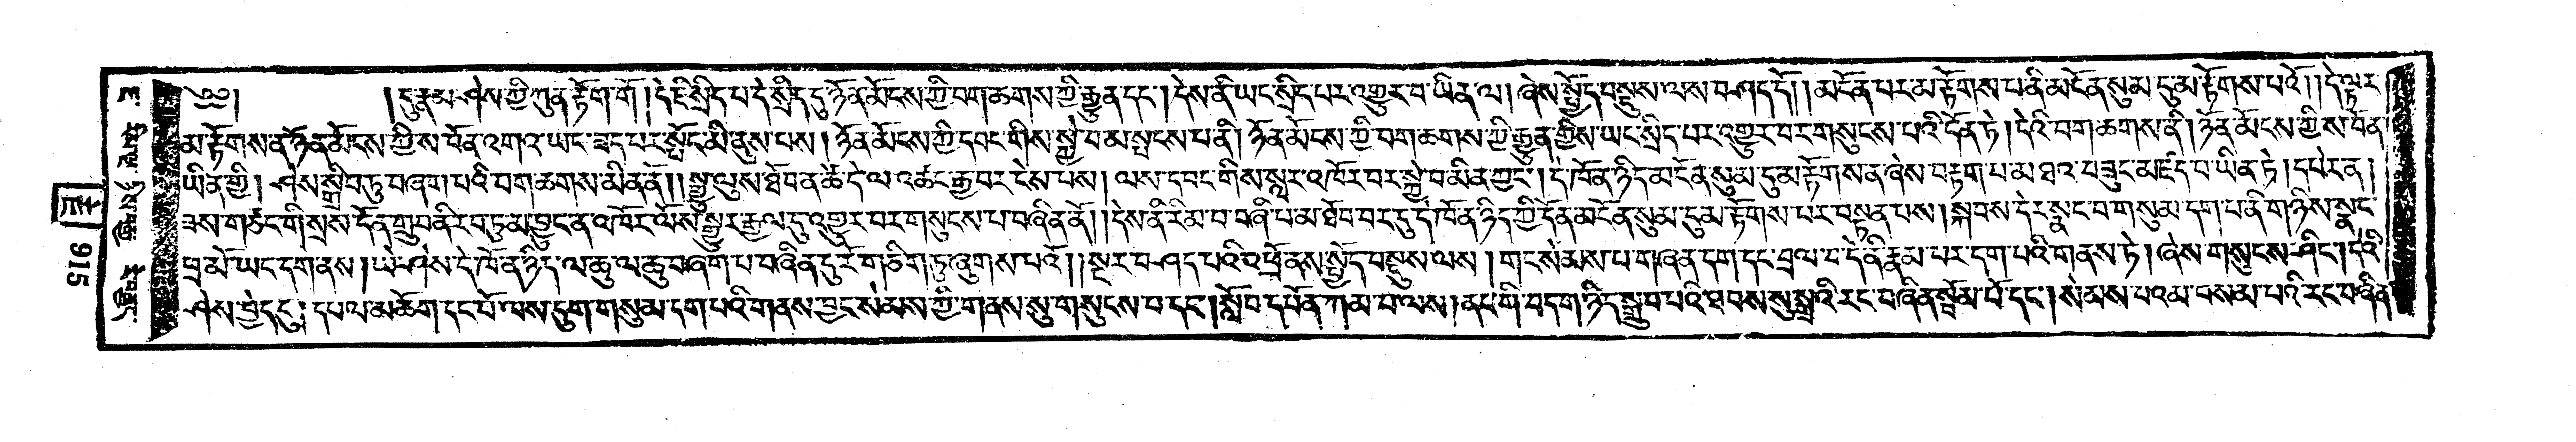༄༅། །དུ་རྣམ་ཤེས་ཀྱི་ཀུན་རྟོག་གོ །དེ་ཇི་སྲིད་པ་དེ་སྲིད་དུ་ཉོན་མོངས་ཀྱི་བག་ཆགས་ཀྱི་རྒྱུན་དང་། དེས་ནི་ཡང་སྲིད་པར་འགྱུར་བ་ཡིན་ལ། ཞེས་སྤྱོད་བསྡུས་ལས་བཤད་དོ། །མངོན་པར་མ་རྟོགས་པ་ནི་མངོན་སུམ་དུ་མ་རྟོགས་པའོ། །དེ་ལྟར་
མ་རྟོགས་ན་ཉོན་མོངས་ཀྱི་ས་བོན་འགའ་ཡང་ཟད་པར་སྤོང་མི་ནུས་པས། ཉོན་མོངས་ཀྱི་དབང་གིས་སྐྱེ་བ་མ་སྤངས་པ་ནི། ཉོན་མོངས་ཀྱི་བག་ཆགས་ཀྱི་རྒྱུན་གྱིས་ཡང་སྲིད་པར་འགྱུར་བར་གསུངས་པའི་དོན་ཏེ། དེའི་བག་ཆགས་ནི། ཉོན་མོངས་ཀྱི་ས་བོན་
ཡིན་གྱི། ཤེས་སྒྲིབ་ཏུ་བཞག་པའི་བག་ཆགས་མིན་ནོ། །སྒྱུ་ལུས་ཐོབ་ན་ཚེ་དེ་ལ་འཚང་རྒྱ་བར་ངེས་པས། ལས་དབང་གིས་སླར་འཁོར་བར་སྐྱེ་བ་མིན་ཀྱང་། དེ་ཁོ་ན་ཉིད་མངོན་སུམ་དུ་མ་རྟོགས་ན་ཞེས་བརྟག་པ་མཐའ་བཟུང་མཛད་པ་ཡིན་ཏེ། དཔེར་ན།
ཟས་གཙང་གི་སྲས་དོན་གྲུབ་ནི་རབ་ཏུ་མ་བྱུང་ན་འཁོར་ལོས་སྒྱུར་རྒྱལ་དུ་འགྱུར་བར་གསུངས་པ་བཞིན་ནོ། །དེས་ནི་རིམ་པ་བཞི་པ་མ་ཐོབ་པར་དུ་དེ་ཁོ་ན་ཉིད་ཀྱི་དོན་མངོན་སུམ་དུ་མ་རྟོགས་པར་བསྟན་པས། སྐབས་དེར་སྣང་བ་གསུམ་དག་པ་ནི་གཉིས་སྣང་
ཕྲ་མོ་ཡང་དག་ནས། ཡེ་ཤེས་དེ་ཁོ་ན་ཉིད་ལ་ཆུ་ལ་ཆུ་བཞག་པ་བཞིན་དུ་རོ་གཅིག་ཏུ་ཞུགས་པའོ། །སྔར་བཤད་པའི་འཕྲོ་ནས་སྤྱོད་བསྡུས་ལས། གང་སེམས་པ་གཞན་དག་དང་བྲལ་བ་དེ་ནི་རྣམ་པར་དག་པའི་གནས་ཏེ། ཞེས་གསུངས་ཤིང་། དེའི་
ཤེས་བྱེད་དུ། དཔལ་མཆོག་དང་པོ་ལས་དུག་གསུམ་དག་པའི་གནས་བྱང་སེམས་ཀྱི་གནས་སུ་གསུངས་པ་དང་། སློབ་དཔོན་ཀམ་པ་ལས། ནང་གི་བདག་ཉིད་སྒྲུབ་པའི་ཐབས་སུ་སྒྲའི་རང་བཞིན་སྦོམ་པོ་དང་། སེམས་པའམ་བསམ་པའི་རང་བཞིན་